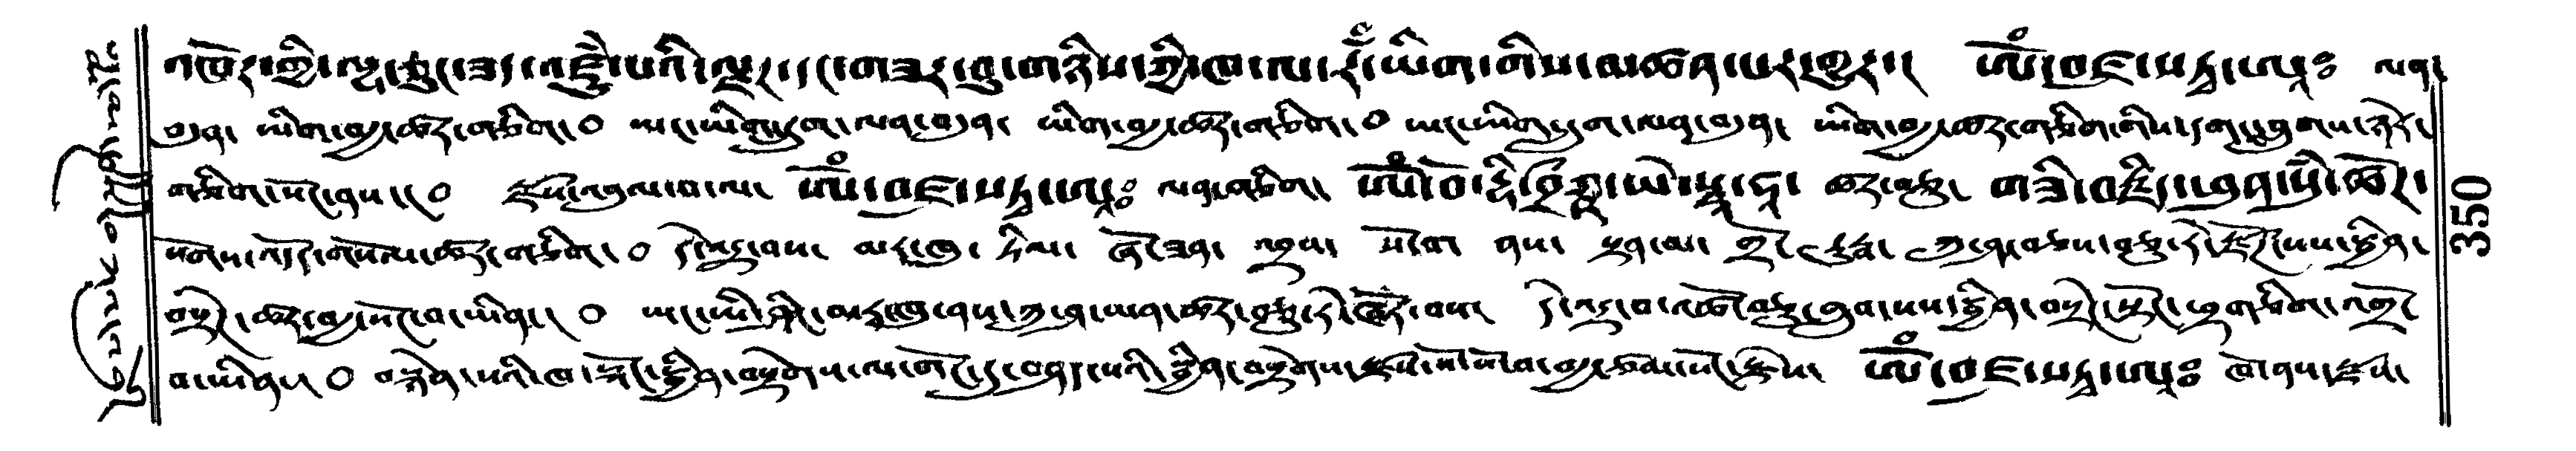འཁོར་གྱི་ལྷ་ཅུང་ཟད་འཛུམ་པའི་ལྗགས་དང་གཟར་བུ་གཉིས་ཀྱི་ཁ་ལ་རྃ་ཡིག་གིས་མཚན་པར་གྱུར། ཨོཾ་བཛྲ་སཏྭ་ཨཱཿ ལན་
བདུན། ཡིག་བརྒྱ་ཚར་གཅིག ཡང་ཡིག་དྲུག་ལན་བདུན། ཡིག་བརྒྱ་ཚར་གཅིག ཡང་ཡིག་དྲུག་ལན་བདུན། ཡིག་བརྒྱ་ཚར་གཅིག་གིས་དགང་བླུགས་ཉེར་
གཅིག་སོང་ནས། རྫས་འབུལ་བ་ལ། ཨོཾ་བཛྲ་སཏྭ་ཨཱཿ ལན་གཅིག ཨོཾ་བོ་དྷི་བྲིཀྵ་ཡེ་སྭཱ་ཧཱ། ཚར་བཅུ། གཟི་བརྗིད་ཕུན་སུམ་ཚོགས་
སོགས་འདོད་གསོལ་ཚར་གཅིག དེ་འདྲ་བས།མར་ཁུ། ཏིལ། ཞོ་ཟན། འབྲས། སོ་བ། ནས། སྲན་མ། གྲོ། དུརྦ། ཀུ་ཤ་བཅས་བཅུ་རེ་རྫོགས་པས་སྦྱིན་
སྲེག་ཚར་བརྒྱ་སོང་བ་ཡིན། ཡང་ཡམ་ཤིང་མར་ཁུ་ནས་ཀུ་ཤ་ཡན་ཚར་བཅུ་རེ་འཁོར་བས། དེ་འདྲ་བ་ཚོ་བཅུ་གྲུབ་པས་སྦྱིན་སྲེག་སྟོང་ཕྲག་གཅིག་འགྲོ་
བ་ཡིན། བསྙེན་པའི་ཁ་སྐོང་སྦྱིན་སྲེག་ལ་གོང་དུ་བཤད་པའི་སྦྱིན་སྲེག་རྫས་སོ་སོ་བ་བརྒྱ་ཙམ་སོང་རྗེས། ཨོཾ་བཛྲ་སཏྭ་ཨཱཿ ཁོ་ནས་རྫས་